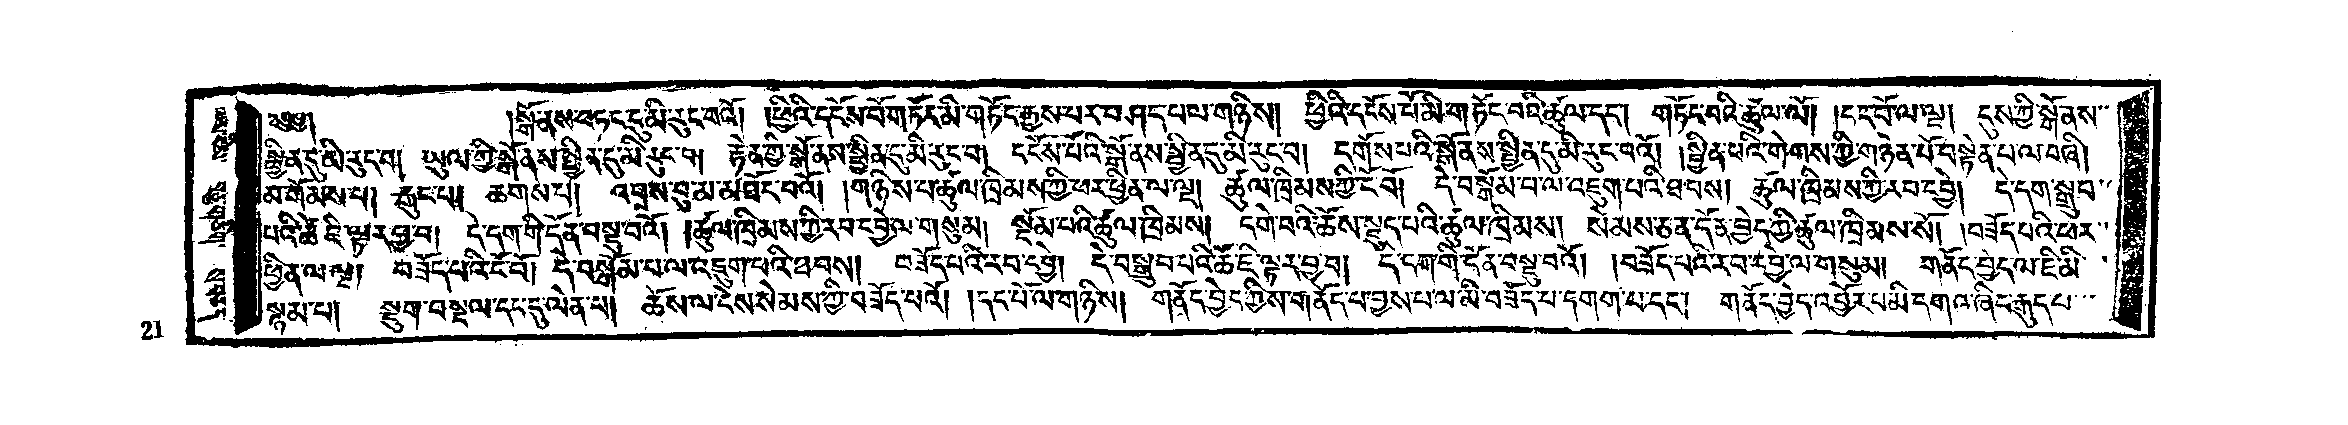༄༅། །སྒོ་ནས་བཏང་དུ་མི་རུང་བའོ། །ཕྱིའི་དངོས་པོ་གཏོང་མི་གཏོང་རྒྱས་པར་བཤད་པ་ལ་གཉིས། ཕྱིའི་དངོས་པོ་མི་གཏོང་བའི་ཚུལ་དང་། གཏོང་བའི་ཚུལ་ལོ། །དང་པོ་ལ་ལྔ། དུས་ཀྱི་སྒོ་ནས་
སྦྱིན་དུ་མི་རུང་བ། ཡུལ་གྱི་སྒོ་ནས་སྦྱིན་དུ་མི་རུང་བ། རྟེན་གྱི་སྒོ་ནས་སྦྱིན་དུ་མི་རུང་བ། དངོས་པོའི་སྒོ་ནས་སྦྱིན་དུ་མི་རུང་བ། དགོས་པའི་སྒོ་ནས་སྦྱིན་དུ་མི་རུང་བའོ། །སྦྱིན་པའི་གེགས་ཀྱི་གཉེན་པོ་བསྟེན་པ་ལ་བཞི།
མ་གོམས་པ། རྒུད་པ། ཆགས་པ། འབྲས་བུ་མ་མཐོང་བའོ། །གཉིས་པ་ཚུལ་ཁྲིམས་ཀྱི་ཕར་ཕྱིན་ལ་ལྔ། ཚུལ་ཁྲིམས་ཀྱི་ངོ་བོ། དེ་བསྒོམ་པ་ལ་འཇུག་པའི་ཐབས། ཚུལ་ཁྲིམས་ཀྱི་རབ་དབྱེ། དེ་དག་སྒྲུབ་
པའི་ཚེ་ཇི་ལྟར་བྱ་བ། དེ་དག་གི་དོན་བསྡུ་བའོ། །ཚུལ་ཁྲིམས་ཀྱི་རབ་དབྱེ་ལ་གསུམ། སྡོམ་པའི་ཚུལ་ཁྲིམས། དགེ་བའི་ཆོས་སྡུད་པའི་ཚུལ་ཁྲིམས། སེམས་ཅན་དོན་བྱེད་ཀྱི་ཚུལ་ཁྲིམས་སོ། །བཟོད་པའི་ཕར་
ཕྱིན་ལ་ལྔ། བཟོད་པའི་ངོ་བོ། དེ་བསྒོམ་པ་ལ་འཇུག་པའི་ཐབས། བཟོད་པའི་རབ་དབྱེ། དེ་བསྒྲུབ་པའི་ཆོ་ཇི་ལྟར་བྱ་བ། དེ་དག་གི་དོན་བསྡུ་བའོ། །བཟོད་པའི་རབ་དབྱེ་ལ་གསུམ། གནོད་བྱེད་ལ་ཇི་མི་
སྙམ་པ། སྡུག་བསྔལ་དང་དུ་ལེན་པ། ཆོས་ལ་ངེས་སེམས་ཀྱི་བཟོད་པའོ། །དང་པོ་ལ་གཉིས། གནོད་བྱེད་ཀྱིས་གནོད་པ་བྱས་པ་ལ་མི་བཟོད་པ་དགག་པ་དང་། གནོད་བྱེད་འབྱོར་པ་མི་དགའ་ཞིང་རྒུད་པ་